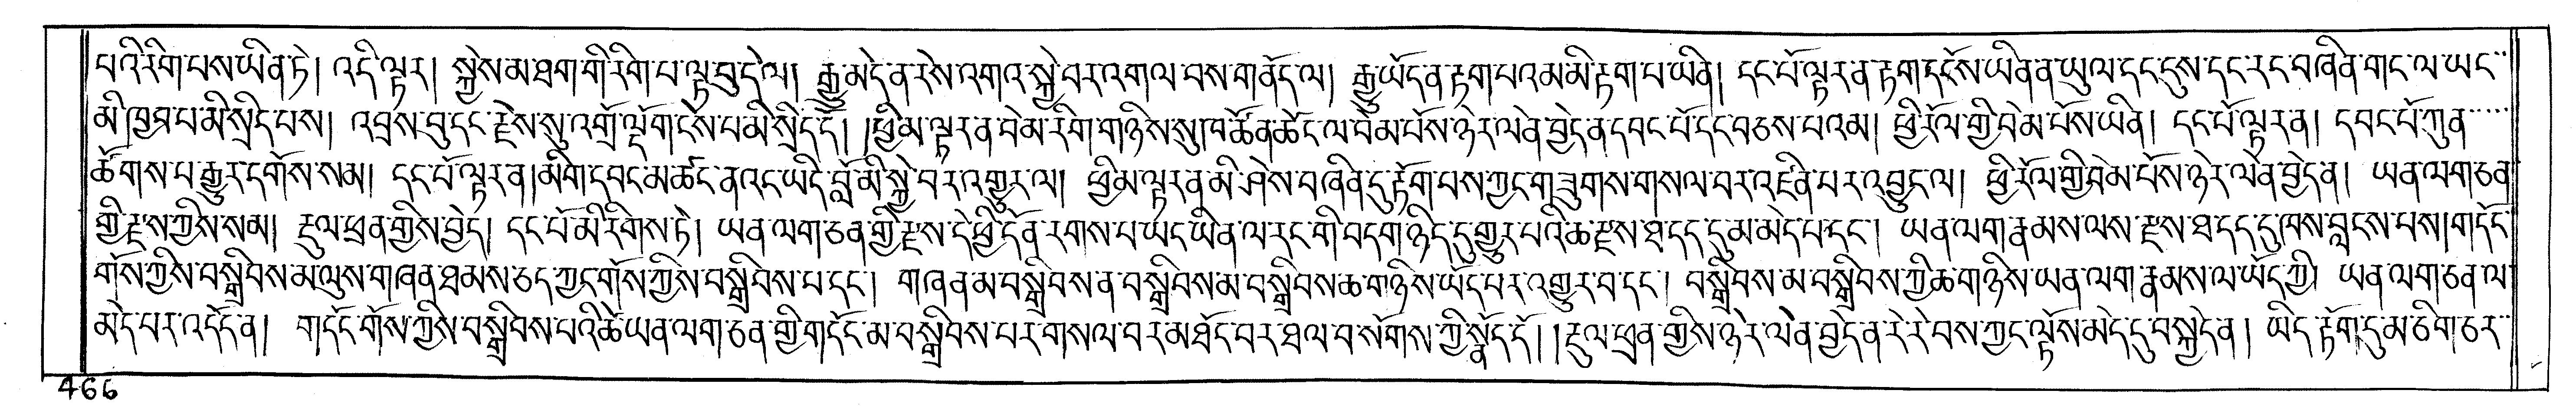པའི་རིག་པས་ཡིན་ཏེ། འདི་ལྟར། སྐྱེས་མ་ཐག་གི་རིག་པ་ལྟ་བུ་དེ་ལ། རྒྱུ་མེད་ན་རེས་འགའ་སྐྱེ་བར་འགལ་བས་གནོད་ལ། རྒྱུ་ཡོད་ན་རྟག་པའམ་མི་རྟག་པ་ཡིན། དང་པོ་ལྟར་ན་རྟག་དངོས་ཡིན་ན་ཡུལ་དང་དུས་དང་རང་བཞིན་གང་ལ་ཡང་
མ་ཁྱབ་པ་མི་སྲིད་པས། འབྲས་བུ་དང་རྗེས་སུ་འགྲོ་ལྡོག་ངེས་པ་མི་སྲིད་དོ། །ཕྱི་མ་ལྟར་ན་བེམ་རིག་གཉིས་སུ་ཁ་ཚོན་ཆོད་ལ་བེམ་པོས་ཉེར་ལེན་བྱེད་ན་དབང་པོ་དང་བཅས་པའམ། ཕྱི་རོལ་གྱི་བེམ་པོས་ཡིན། དང་པོ་ལྟར་ན། དབང་པོ་ཀུན་
ཚོགས་པ་རྒྱུ་ར་དགོས་སམ། དང་པོ་ལྟར་ན། མིག་དབང་མ་ཚང་ནའང་ཡིད་བློ་མི་སྐྱེ་བར་འགྱུར་ལ། ཕྱི་མ་ལྟར་ན་མི་ཤེས་བཞིན་དུ་རྟོག་པས་ཀྱང་གཟུགས་གསལ་བར་འཛིན་པར་འགྱུར་ལ། ཕྱི་རོལ་གྱི་བེམ་པོས་ཉེར་ལེན་བྱེད་ན། ཡན་ལག་ཅན་
གྱི་རྫས་ཀྱིས་སམ། རྡུལ་ཕྲན་གྱིས་བྱེད། དང་པོ་མི་རིགས་ཏེ། ཡན་ལག་ཅན་གྱི་རྫས་དེ་ཕྱི་དོན་རགས་པ་ཡང་ཡིན་ལ་རང་གི་བདག་ཉིད་དུ་གྱུར་པའི་ཆ་རྫས་ཐ་དད་དུ་མ་མེད་པ་དང་། ཡན་ལག་རྣམས་ལས་རྫས་ཐ་དད་དུ་ཁས་བླངས་པས། གདོང་
གོས་ཀྱིས་བསྒྲིབས་ན་ལུས་གཞན་ཐམས་ཅད་ཀྱང་གོས་ཀྱིས་བསྒྲིབས་པ་དང་། གཞན་མ་བསྒྲིབས་ན་བསྒྲིབས་མ་བསྒྲིབས་ཆ་གཉིས་ཡོད་པར་འགྱུར་བ་དང་། བསྒྲིབས་མ་བསྒྲིབས་ཀྱི་ཆ་གཉིས་ཡན་ལག་རྣམས་ལ་ཡོད་ཀྱི། ཡན་ལག་ཅན་ལ་
མེད་པར་འདོད་ན། གདོང་གོས་ཀྱིས་བསྒྲིབས་པའི་ཚེ་ཡན་ལག་ཅན་གྱི་གདོང་མ་བསྒྲིབས་པར་གསལ་བར་མཐོང་བར་ཐལ་བ་སོགས་ཀྱི་སྣོད་དོ། །རྡུལ་ཕྲན་གྱིས་ཉེར་ལེན་བྱེད་ན་རེ་རེ་བས་ཀྱང་ལྟོས་མེད་དུ་བསྐྱེད་ན། ཡིད་རྟོག་དུ་མ་ཅིག་ཅར་